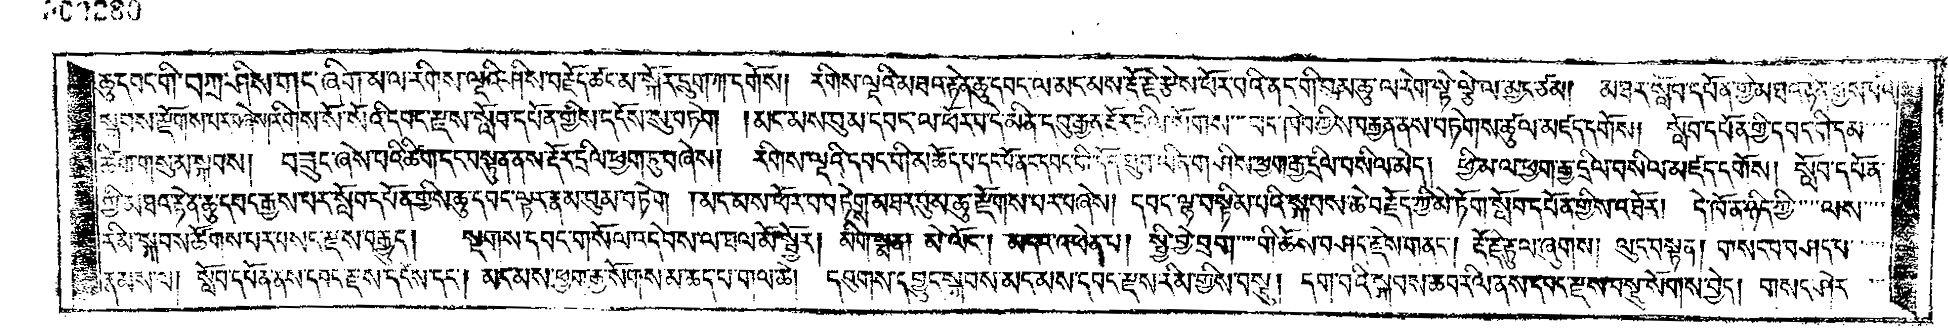ཆུ་དབང་གི་བཀྲ་ཤིས་གང་ཞིག་མ་ལ་རིགས་ལྔའི་ཤིས་བརྗོད་ཚང་མ་སྐོར་དྲུག་ཀ་དགོས། རིགས་ལྔའི་མཐའ་རྟེན་ཆུ་དབང་ལ་མང་མས་རྡོ་རྗེ་རྩེས་ཕོར་བའི་ནང་གི་བུམ་ཆུ་ལ་རེག་སྟེ་ལྕེ་ལ་མྱང་ཙམ། མཐར་སློབ་དཔོན་གྱི་མཐའ་རྟེན་རྒྱས་པའི་
སྐབས་རྫོགས་པར་བཞེས། རིགས་སོ་སོའི་དབང་རྫས་སློབ་དཔོན་གྱིས་དངོས་སུ་བཏེག །མང་མས་བུམ་དབང་ལ་ཕོར་བ་དེ་མིན་དབུ་རྒྱན་རྡོར་དྲིལ་སོགས་པད་ཁེབ་ཀྱིས་བརྒྱན་ནས་བཏེགས་ཚུལ་མཛད་དགོས། སློབ་དཔོན་གྱི་དབང་གི་དམ་
ཚིག་གསུམ་སྐབས། བཟུང་ཞེས་པའི་ཚིག་དང་བསྟུན་ནས་རྡོར་དྲིལ་ཕྱག་ཏུ་བཞེས། རིགས་ལྔའི་དབང་གི་མཆོད་པ་དང་པོ་ནང་དབང་གི་དོད་ཐུབ་ཡིན་གཤིས་ཕྱག་རྒྱ་དྲིལ་བསིལ་མེད། ཕྱི་མ་ལ་ཕྱག་རྒྱ་དྲིལ་བསིལ་མཛད་དགོས། སློབ་དཔོན་
གྱི་མཐའ་རྟེན་ཆུ་དབང་རྒྱས་པར་སློབ་དཔོན་གྱིས་ཆུ་དབང་ལྟར་རྣམ་བུམ་བཏེག །མང་མས་ཕོར་བ་བཏེགས་མཐར་བུམ་ཆུ་རྫོགས་པར་བཞེས། དབང་ལྷ་བསྟིམ་པའི་སྐབས་ཆེ་བརྗོད་ཀྱི་མེ་ཏོག་སློབ་དཔོན་གྱིས་འཐོར། དེ་ཁོ་ན་ཉིད་ཀྱི་ལས་
རིམ་སྐབས་ཚོགས་པར་བསང་རྫས་བརྒྱུད། སྔགས་དབང་གསོལ་འདེབས་ལ་ཐལ་མོ་སྦྱོར། མིག་སྨན། མེ་ལོང་། མདའ་འཕེན་པ། སྤྱི་བྱེ་བྲག་གི་ཆོས་བཤད་རྗེས་གནང་། རྡོ་རྗེ་རྟུལ་ཞུགས། ལུང་བསྟན། གསང་བ་བཤད་པ་
རྣམས་ལ། སློབ་དཔོན་ནས་དབང་རྫས་དངོས་དང་། མང་མས་ཕྱག་རྒྱ་སོགས་མ་ཆད་པ་གལ་ཆེ། དབུགས་དབྱུང་སྐབས་མང་མས་དབང་རྫས་རིམ་གྱིས་བསྡུ། དག་པའི་སྐབས་ཆབ་རིལ་ནས་དབང་རྫས་བསྡུ་སོགས་བྱེད། གསང་ཤེར